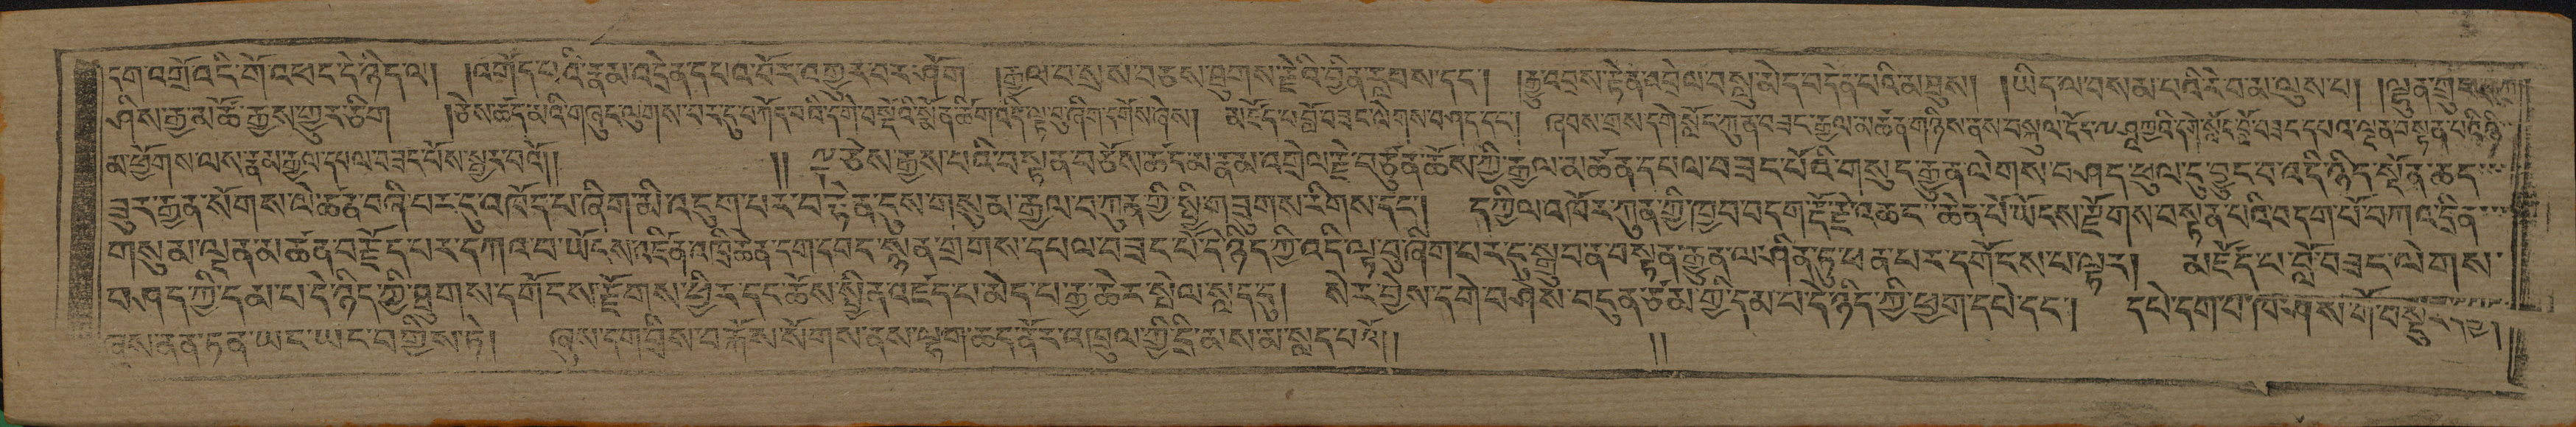དག་འགྲོ་འདི་གོ་འཕང་དེ་ཉིད་ལ། །འགོད་པའི་རྣམ་འདྲེན་དཔའ་བོར་འགྱུར་བར་ཤོག །རྒྱལ་བ་སྲས་བཅས་ཐུགས་རྗེའི་བྱིན་རླབས་དང་། །རྒྱུ་འབྲས་རྟེན་འབྲེལ་བསླུ་མེད་བདེན་པའི་མཐུས། །ཡིད་ལ་བསམ་པའི་རེ་བ་མ་ལུས་པ། །ལྷུན་གྲུབ་བཀྲ་
ཤིས་རྒྱ་མཚོ་རྒྱས་གྱུར་ཅིག །ཅེས་ཚད་མའི་གཞུང་ལུགས་པར་དུ་བཀོད་པའི་དགེ་བསྔོའི་སྨོན་ཚིག་འདི་ལྟ་བུ་ཞིག་དགོས་ཞེས། མཛོད་པ་བློ་བཟང་ལེགས་བཤད་དང་། ཞབས་གྲས་དགེ་སློང་ཀུན་བཟང་རྒྱལ་མཚན་གཉིས་ནས་བསྐུལ་ངོར་ཤཱཀྱའི་དགེ་སློང་བློ་བཟང་དཔལ་ལྡན་བསྟན་པའི་ཉི་
མ་ཕྱོགས་ལས་རྣམ་རྒྱལ་དཔལ་བཟང་པོས་སྦྱར་བའོ།། །།༈ ཞེས་རྒྱས་པའི་བསྟན་བཅོས་ཚད་མ་རྣམ་འགྲེལ་རྗེ་བཙུན་ཆོས་ཀྱི་རྒྱལ་མཚན་དཔལ་བཟང་པོའི་གསུང་རྒྱུན་ལེགས་བཤད་ཕུལ་དུ་བྱུང་བ་འདི་ཉིད་སྔོན་ཆད་
ཟུར་རྒྱན་སོགས་ལེ་ཚན་བཞི་པར་དུ་འཁོད་པ་ཞིག་མི་འདུག་པར་བརྟེན་དུས་གསུམ་རྒྱལ་བ་ཀུན་གྱི་སྤྱི་གཟུགས་རིགས་དང་། དཀྱིལ་འཁོར་ཀུན་གྱི་ཁྱབ་བདག་རྡོ་རྗེ་འཆང་ཆེན་པོ་ཡོངས་རྫོགས་བསྟན་པའི་བདག་པོ་བཀའ་དྲིན་
གསུམ་ལྡན་མཚན་བརྗོད་པར་དཀའ་བ་ཡོངས་འཛིན་འཁྲི་ཆེན་ངག་དབང་སྙན་གྲགས་དཔལ་བཟང་པོ་དེ་ཉིད་ཀྱི་འདི་ལྟ་བུ་ཞིག་པར་དུ་སྒྲུབ་ན་བསྟན་རྒྱུན་ལ་ཤིན་ཏུ་ཕན་པར་དགོངས་པ་ལྟར། མཛོད་པ་བློ་བཟང་ལེགས་
བཤད་ཀྱིས་དམ་པ་དེ་ཉིད་ཀྱི་ཐུགས་དགོངས་རྫོགས་ཕྱིར་དང་ཆོས་སྤྱིན་འཛད་པ་མེད་པ་རྒྱ་ཆེར་སྤེལ་སླད་དུ། སེར་བྱེས་དགེ་བཤེས་བདུན་ཙམ་གྱི་དམ་པ་དེ་ཉིད་ཀྱི་ཕྱག་དཔེ་དང་། དཔེ་དག་པ་ཁ་ཤས་གོ་བསྡུར་དཔྱད་
ཞུས་ནན་ཏན་ཡང་ཡང་བགྱིས་ཏེ། ཞུས་དག་བྲིས་བརྐོས་སོགས་ནས་ལྷག་ཆད་ནོར་འཁྲུལ་གྱི་དྲི་མས་མ་སླད་པའོ།། །།